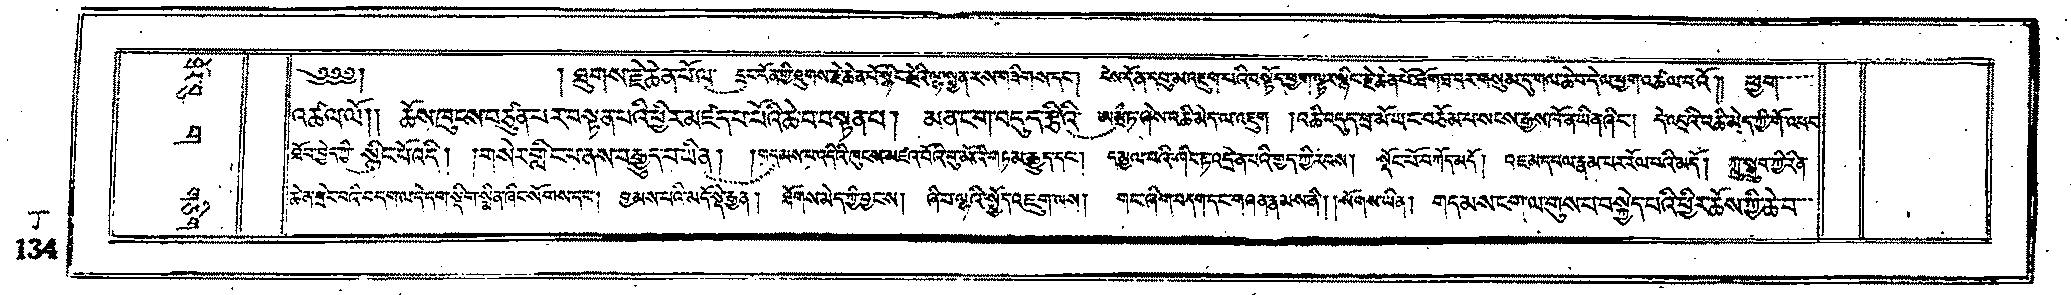༄༅༅། །ཐུགས་རྗེ་ཆེན་པོ་ལ་དྲང་དོན་གྱི་ཐུགས་རྗེ་ཆེན་པོ་སྙིང་རྗེའི་ལྷ་སྤྱན་རས་གཟིགས་དང་། ངེས་དོན་དབུ་མ་འཇུག་པའི་བསྟོད་ཕྱག་ལྟར་སྙིང་རྗེ་ཆེན་པོ་ཐོག་ཐ་བར་གསུམ་དུ་གལ་ཆེ་བ་དེ་ལ་ཕྱག་འཚལ་བའོ།།  ཕྱག་་་
འཚལ་ལོ།། ཆོས་ཁུངས་བཙུན་པར་བསྟན་པའི་ཕྱིར་མཛད་པ་པོའི་ཆེ་བ་བསྟན་པ། མན་ངག་བདུད་རྩིའི་ཨམྲྀ་ཏ་ཞེས་འཆི་མེད་ལ་འཇུག །འཆི་བདུད་ཕྲ་མོ་ཡང་བཅོམ་པ་སངས་རྒྱས་ཁོ་ན་ཡིན་ཞིང་། དེ་འདྲའི་འཆི་མེད་ཀྱི་གོ་འཕང་
ཐོབ་བྱེད་ཀྱི་སྙིང་པོ་འདི། །གསེར་གླིང་པ་ནས་བརྒྱུད་པ་ཡིན། །གདམས་པ་འདིའི་ཁུངས་མཛའ་བོའི་བུ་མོའི་གཏམ་རྒྱུད་དང་། དམྱལ་བའི་ཤིང་རྟ་འདྲེན་པའི་གྱད་ཀྱི་རབས། སྡོང་པོ་བཀོད་མདོ། འཇམ་དཔལ་རྣམ་པར་རོལ་པའི་མདོ། ཀླུ་སྒྲུབ་ཀྱི་རིན་
ཆེན་ཕྲེང་བའི་བདག་ལ་དེ་དག་སྡིག་སྨིན་ཞིང་སོགས་དང་། བྱམས་པའི་མདོ་སྡེ་རྒྱན། ཐོགས་མེད་ཀྱི་བྱངས། ཞི་བ་ལྷའི་སྤྱོད་འཇུག་ལས། གང་ཞིག་བདག་དང་གཞན་རྣམས་ནི། །སོགས་ཡིན།  གདམས་ངག་ལ་གུས་པ་བསྐྱེད་པའི་ཕྱིར་ཆོས་ཀྱི་ཆེ་བ་་་